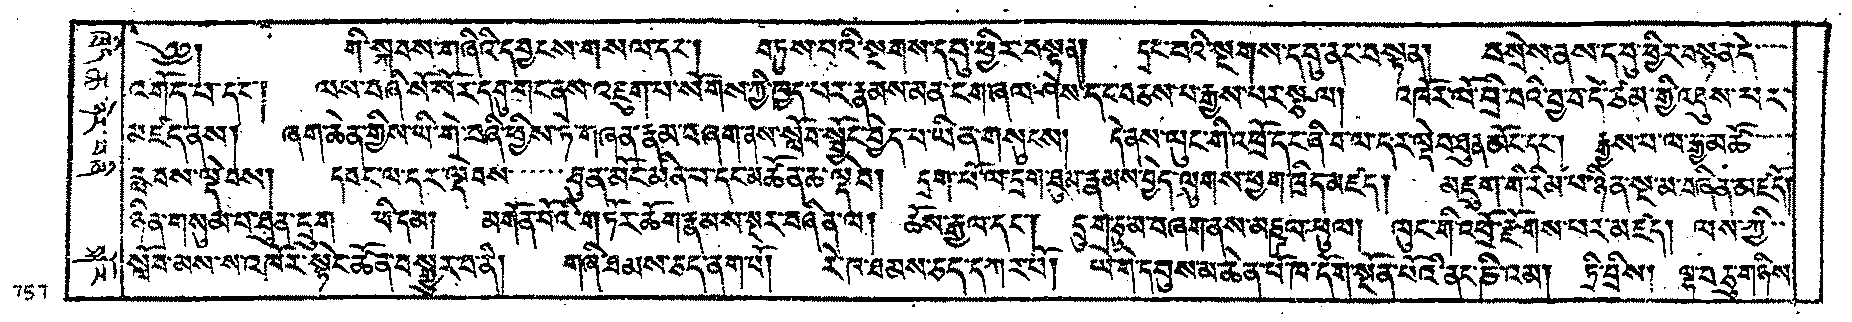༄༅། །གི་སྐབས་གཞིའི་དབྱངས་གསལ་དང་། བཏུས་པའི་སྔགས་དབུ་ཕྱིར་བསྟན། དྲང་བའི་སྔགས་དབུ་ནང་བསྟན། བསྲེས་ནས་དབུ་ཕྱིར་བསྟན་དེ་
འགོད་པ་དང་། ལས་བཞི་སོ་སོར་དབུ་གང་ནས་འཇུག་པ་སོགས་ཀྱི་ཁྱད་པར་རྣམས་མན་ངག་ཞལ་ཤེས་དང་བཅས་པ་རྒྱས་པར་སྩལ། འཁོར་ལོ་བྲི་བའི་བྱ་བ་དེ་ཙམ་གྱི་འཐུས་པར་
མཛད་ནས། ཞག་ཆེན་གྱིས་ཡི་གེ་བཞི་ཕྱིས་ཏེ་གཞན་རྣམ་བཞག་ནས་སློབ་སྦྱོང་བྱེད་པ་ཡིན་གསུངས། དེ་ནས་ལུང་གི་འཕྲོ་དང་ཞི་བ་ལ་དར་ལྡེབ་ཐུན་མོང་དང་། རྒྱས་པ་ལ་རྒྱ་མཚོ་
རླབས་ལྡེབས། དབང་ལ་དར་ལྡེབས་ཐུན་མོང་མིན་པ་དང་མཚོན་ཆ་ལྡེབ། དྲག་པོ་ལ་དྲག་ཐུམ་རྣམས་བྱེད་ལུགས་ཕྱག་ཁྲིད་མཛད། མཇུག་གི་རིམ་པ་ཉིན་སྔ་མ་བཞིན་མཛད་དོ།
ཉིན་གསུམ་པ་ཐུན་དྲུག །ཡི་དམ། མགོན་པོའི་གཏོར་ཆོག་རྣམས་སྔར་བཞིན་ལ། ཆོས་རྒྱལ་དང་། དྲུག་ཅུ་མ་བཞག་ནས་མཎྜལ་ཕུལ། ལུང་གི་འཕྲོ་རྫོགས་པར་མཛད། ལས་ཀྱི་
སློབ་མས་ས་འཁོར་སྟེང་ཚོན་བསྒྱུར་བ་ནི། གཞི་ཐམས་ཅད་ནག་པོ། རེ་ཁ་ཐམས་ཅད་དཀར་པོ། ཡི་གེ་དབུས་མ་ཆེན་པོ་ཁ་དོག་སྔོན་པོའི་ནང་ཎི་འམ། ཏྲི་བྲིས། ལྷ་བཅུ་གཉིས་